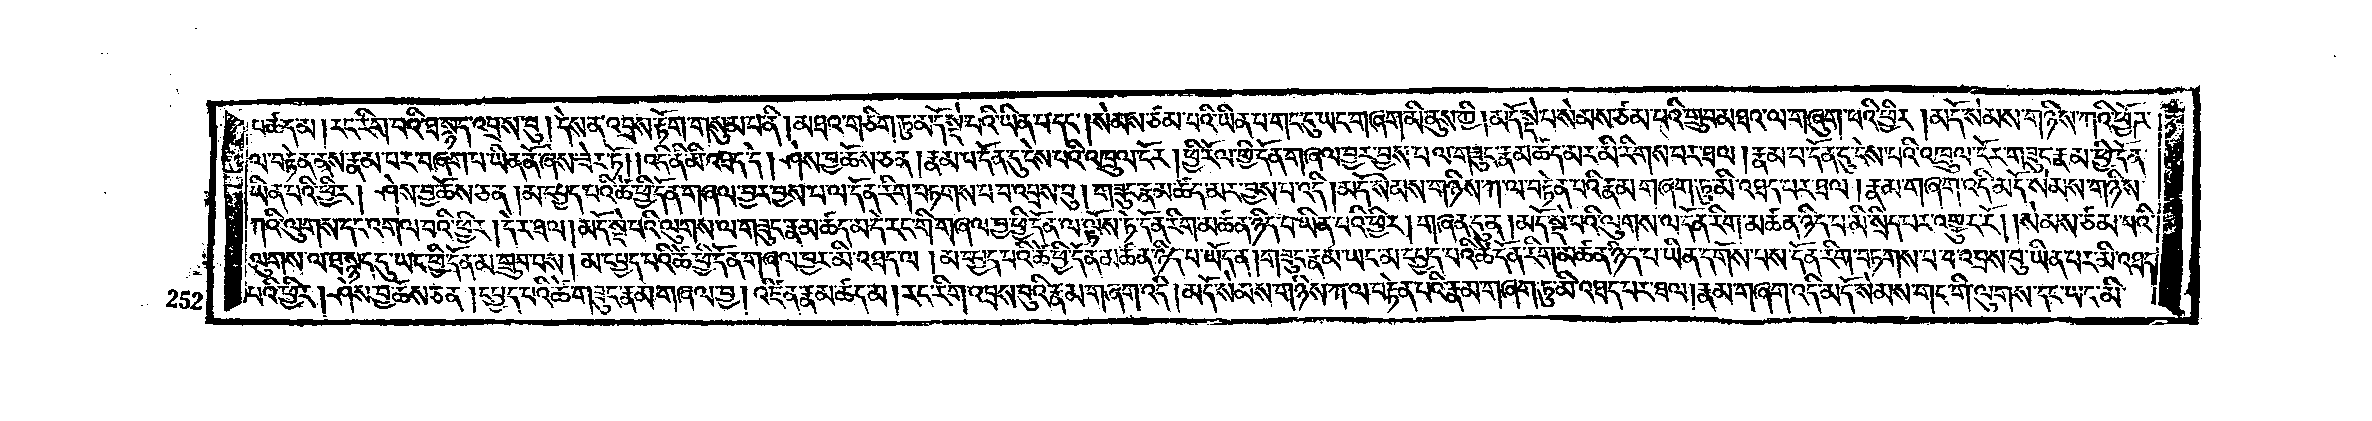པ་ཚད་མ། རང་རིག་པའི་ཐ་སྙད་འབྲས་བུ། དེས་ན་འབྲས་རྟོག་གསུམ་པ་ནི། མཐའ་གཅིག་ཏུ་མདོ་སྡེ་པའི་ཡིན་པ་དང་། སེམས་ཙམ་པའི་ཡིན་པ་གང་དུ་ཡང་གཞག་མི་ནུས་ཀྱི། མདོ་སྡེ་པ་སེམས་ཙམ་པའི་གྲུབ་མཐའ་ལ་གཞུག་པའི་ཕྱིར། མདོ་སེམས་གཉིས་ཀའི་ཕྱོགས་
ལ་བརྟེན་ནས་རྣམ་པར་བཞག་པ་ཡིན་ནོ་ཞེས་ཟེར་ཏོ། །འདི་ནི་མི་འཐད་དེ། ཤེས་བྱ་ཆོས་ཅན། རྣམ་པ་དོན་དུ་ངེས་པའི་འཁྲུལ་ངོར། ཕྱི་རོལ་གྱི་དོན་གཞལ་བྱར་བྱས་པ་ལ་གཟུང་རྣམ་ཚད་མར་མི་རིགས་པར་ཐལ། རྣམ་པ་དོན་དུ་ངེས་པའི་འཁྲུལ་ངོར་གཟུང་རྣམ་ཕྱི་དོན་
ཡིན་པའི་ཕྱིར། ཤེས་བྱ་ཆོས་ཅན། མ་དཔྱད་པའི་ཚེ་ཕྱི་དོན་གཞལ་བྱར་བྱས་པ་ལ་དོན་རིག་བཏགས་པ་བ་འབྲས་བུ། གཟུང་རྣམ་ཚད་མར་བྱས་པ་འདི། མདོ་སེམས་གཉིས་ཀ་ལ་བརྟེན་པའི་རྣམ་གཞག་ཏུ་མི་འཐད་པར་ཐལ། རྣམ་གཞག་འདི་མདོ་སེམས་གཉིས་
ཀའི་ལུགས་དང་འགལ་པའི་ཕྱིར། དེར་ཐལ། མདོ་སྡེ་པའི་ལུགས་ལ་གཟུང་རྣམ་ཚད་མ་དེ་རང་གི་གཞལ་བྱ་ཕྱི་དོན་ལ་ལྟོས་ཏེ་དོན་རིག་མཚན་ཉིད་པ་ཡིན་པའི་ཕྱིར། གཞན་དུ་ན། མདོ་སྡེ་པའི་ལུགས་ལ་དོན་རིག་མཚན་ཉིད་པ་མི་སྲིད་པར་འགྱུར་རོ། སེམས་ཙམ་པའི་
ལུགས་ལ་ཐ་སྙད་དུ་ཡང་ཕྱི་དོན་མ་གྲུབ་པས། མ་དཔྱད་པའི་ཚེ་ཕྱི་དོན་གཞལ་བྱར་མི་འཐད་ལ། མ་དཔྱད་པའི་ཚེ་ཕྱི་དོན་མཚན་ཉིད་པ་ཡོད་ན། གཟུང་རྣམ་ཡང་མ་དཔྱད་པའི་ཚེ་དོན་རིག་མཚན་ཉིད་པ་ཡིན་དགོས་པས་དོན་རིག་བཏགས་པ་བ་འབྲས་བུ་ཡིན་པར་མི་འཐད་
པའི་ཕྱིར། ཤེས་བྱ་ཆོས་ཅན། དཔྱད་པའི་ཚེ་གཟུང་རྣམ་གཞལ་བྱ། འཛིན་རྣམ་ཚད་མ། རང་རིག་འབྲས་བུའི་རྣམ་གཞག་འདི། མདོ་སེམས་གཉིས་ཀ་ལ་བརྟེན་པའི་རྣམ་གཞག་ཏུ་མི་འཐད་པར་ཐལ། རྣམ་གཞག་འདི་མདོ་སེམས་གང་གི་ལུགས་དང་ཡང་མི་